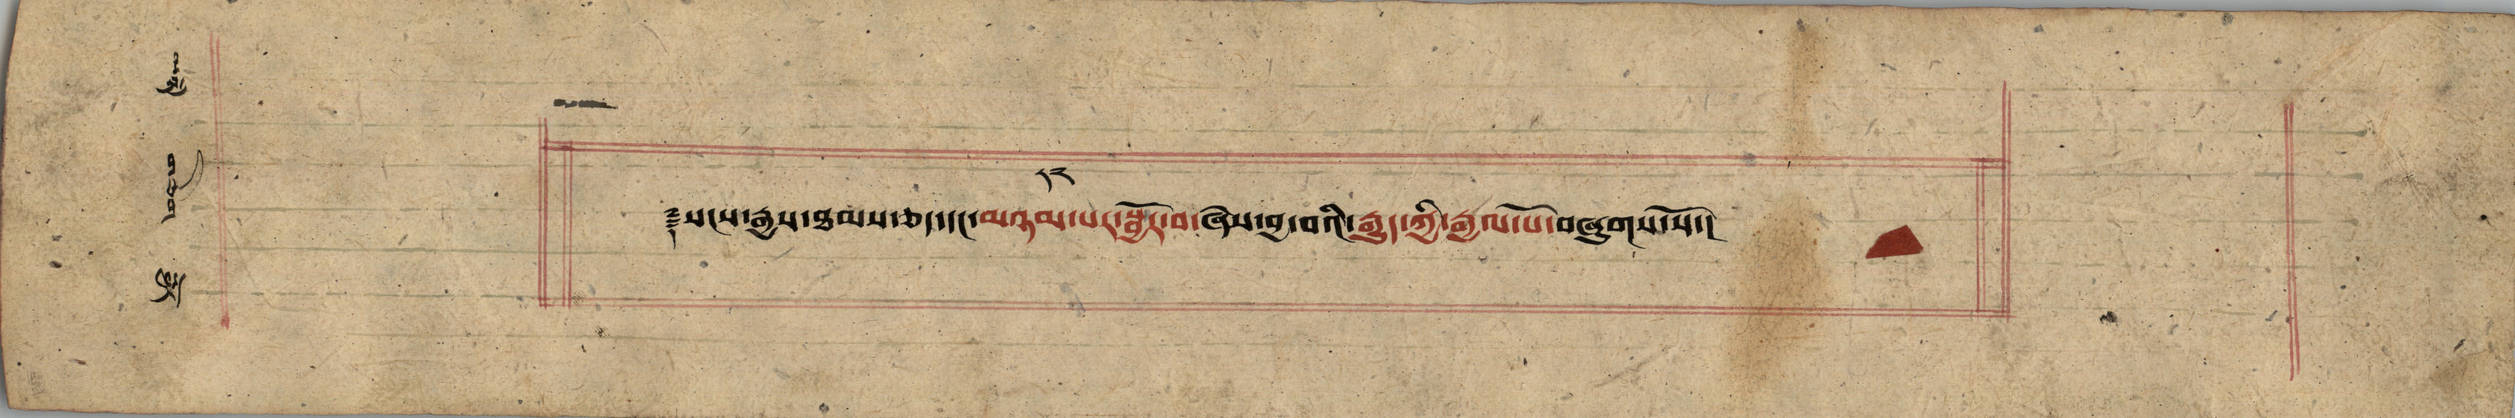࿑ སངས་རྒྱས་ཐམས་ཅད་དང་མཉམ་པར་སྦྱོར་བ་ཞེས་བྱ་བའི་རྒྱུད་ཀྱི་རྒྱལ་པོ་བཞུགས་སོ་།